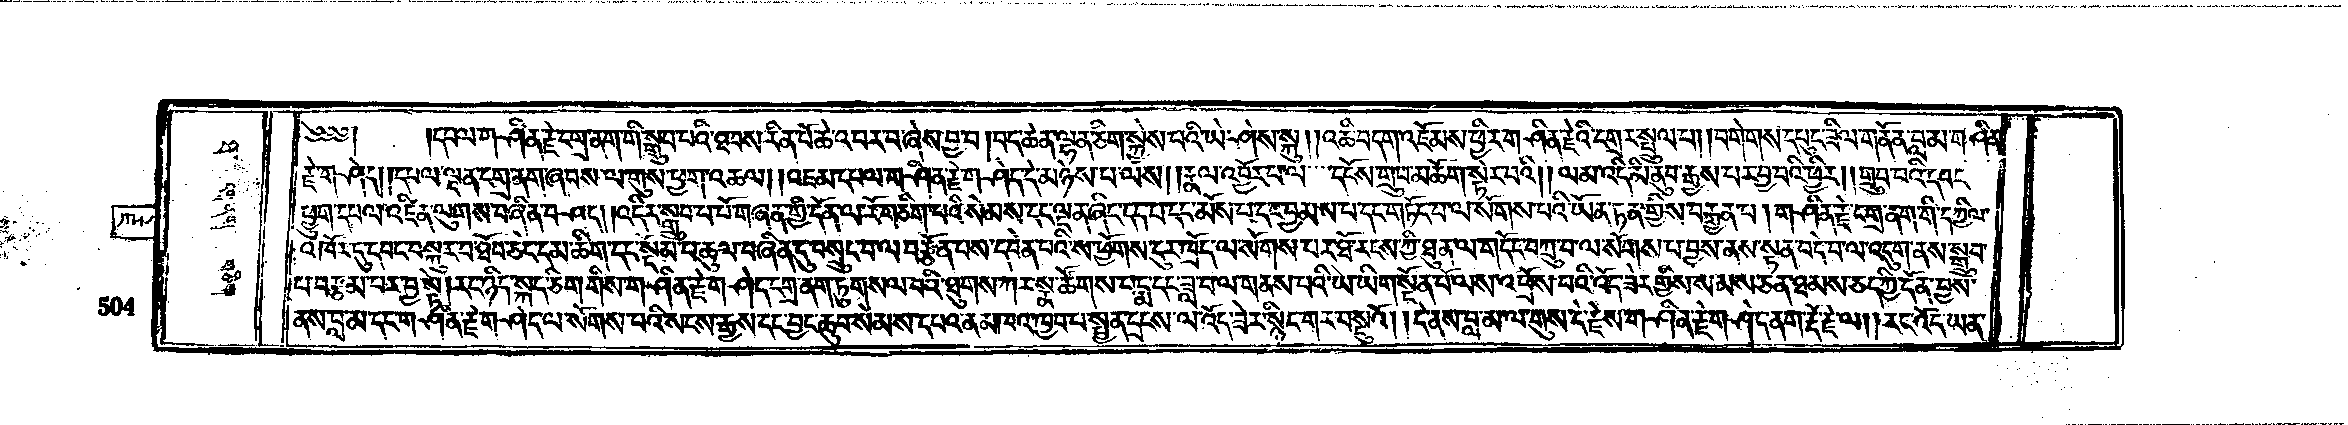༄༅༅། །དཔལ་གཤིན་རྗེ་དགྲ་ནག་གི་སྒྲུབ་པའི་ཐབས་རིན་པོ་ཆེ་འབར་བ་ཞེས་བྱ་བ། བདེ་ཆེན་ལྷན་ཅིག་སྐྱེས་པའི་ཡེ་ཤེས་སྐུ། །འཆི་བདག་འཇོམས་ཕྱིར་གཤིན་རྗེའི་དགྲར་སྤྲུལ་པ། །བགེགས་དཔུང་ཟིལ་གནོན་བླ་མ་གཤིན་
རྗེ་གཤེད། །དཔལ་ལྡན་དགྲ་ནག་ཞབས་ལ་གུས་ཕྱག་འཚལ། །འཇམ་དཔལ་གཤིན་རྗེ་གཤེད་དེ་མཉེས་པ་ལས། །རྣལ་འབྱོར་པ་ལ་དངོས་གྲུབ་མཆོག་སྟེར་བའི། །ལམ་འདི་མི་ནུབ་རྒྱས་པར་བྱ་བའི་ཕྱིར། །གྲུབ་པའི་དབང་
ཕྱུག་དཔལ་འཛིན་ལུགས་བཞིན་བཤད། །འདིར་སྒྲུབ་པ་པོ་གཞན་གྱི་དོན་ལ་རོ་གཅིག་པའི་སེམས་དང་ལྡན་ཞིང་དད་པ་དད་མོས་པ་དང་བྱམས་པ་དང་གཏོང་བ་ལ་སོགས་པའི་ཡོན་ཏན་གྱིས་བརྒྱན་པ། གཤིན་རྗེ་དགྲ་ནག་གི་དཀྱིལ་
འཁོར་དུ་དབང་བསྐུར་བ་ཐོབ་ཅིང་དམ་ཚིག་དང་སྡོམ་པ་ཚུལ་བཞིན་དུ་བསྲུང་བ་ལ་བརྩོན་པས་དབེན་པའི་ས་ཕྱོགས་དུར་ཁྲོད་ལ་སོགས་པར་ཐོ་རངས་ཀྱི་ཐུན་ལ་གདོང་བཀྲུ་བ་ལ་སོགས་པ་བྱས་ནས་སྟན་བདེ་བ་ལ་འདུག་ནས་སྒྲུབ་
པ་བརྩམ་པར་བྱ་སྟེ། རང་ཉིད་སྐད་ཅིག་གིས་གཤིན་རྗེ་གཤེད་དགྲ་ནག་ཏུ་གསལ་བའི་ཐུགས་ཀར་སྣ་ཚོགས་པདམ་དང་ཟླ་བ་ལ་གནས་པའི་ཡ་ཡིག་སྔོན་པོ་ལས་འཕྲོས་པའི་འོད་ཟེར་གྱིས་སེམས་ཅན་ཐམས་ཅད་ཀྱི་དོན་བྱས་
ནས་བླ་མ་དང་གཤིན་རྗེ་གཤེད་ལ་སོགས་པའི་སངས་རྒྱས་དང་བྱང་ཆུབ་སེམས་དཔའ་ནམ་མཁའ་ཁྱབ་པ་སྤྱན་དྲངས་ལ་འོད་ཟེར་སྙིང་གར་བསྡུའོ། །དེ་ནས་བླ་མ་ལ་གུས་དེ་རྗེས་གཤིན་རྗེ་གཤེད་ནག་རྡོ་རྗེ་ལ། །རང་འོད་ཡན་